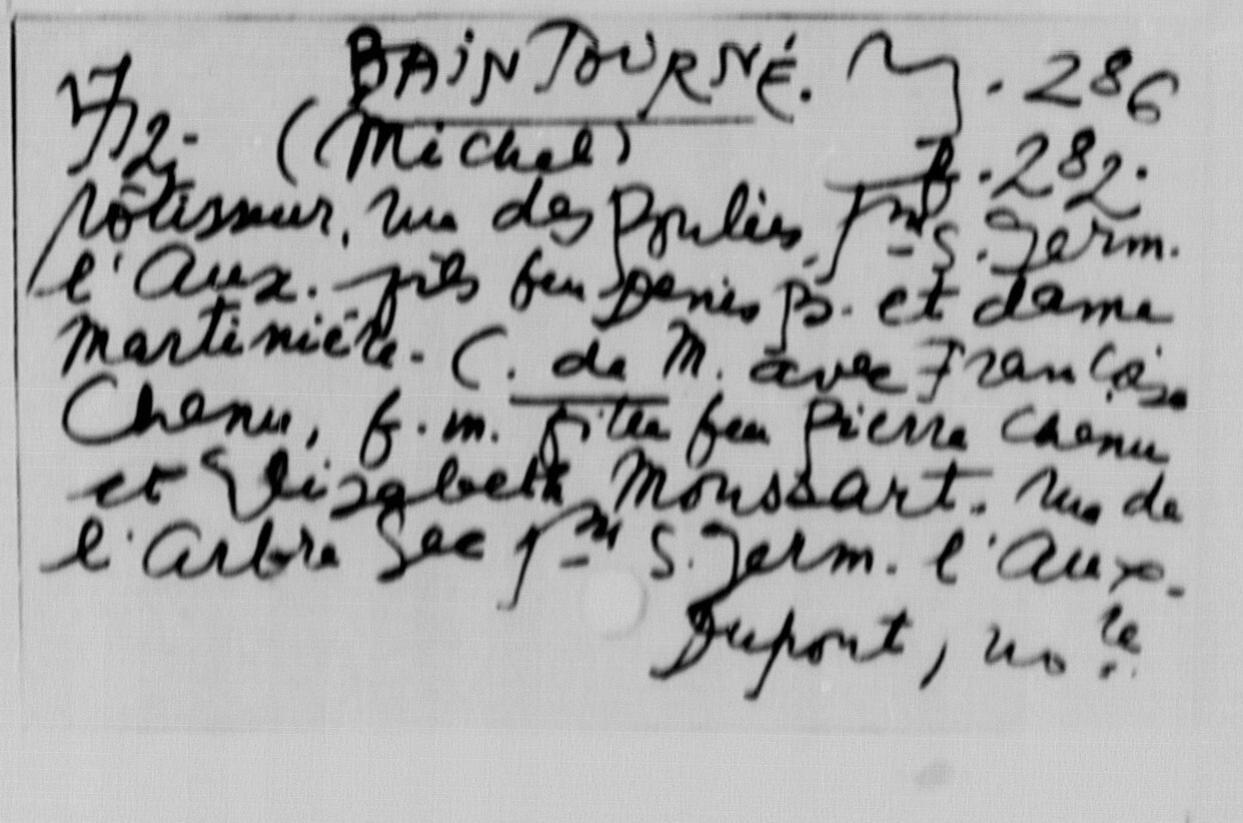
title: BAINTOURNÉ (Michel)
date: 1712
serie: Y
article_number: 286
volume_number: folio 282
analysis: Rôtisseur, rue des Poulies, paroisse Saint Germain-l'Auxerrois, fils feu Denis Baintourné et dame Martinière. Contrat de mariage avec Françoise Chenu, fille majeure fille feu Pierre Chenu et Elisabeth Moussart, rue de l'arbre sec, paroisse Saint Germain-l'Auxerrois. Dupont, notaire.
